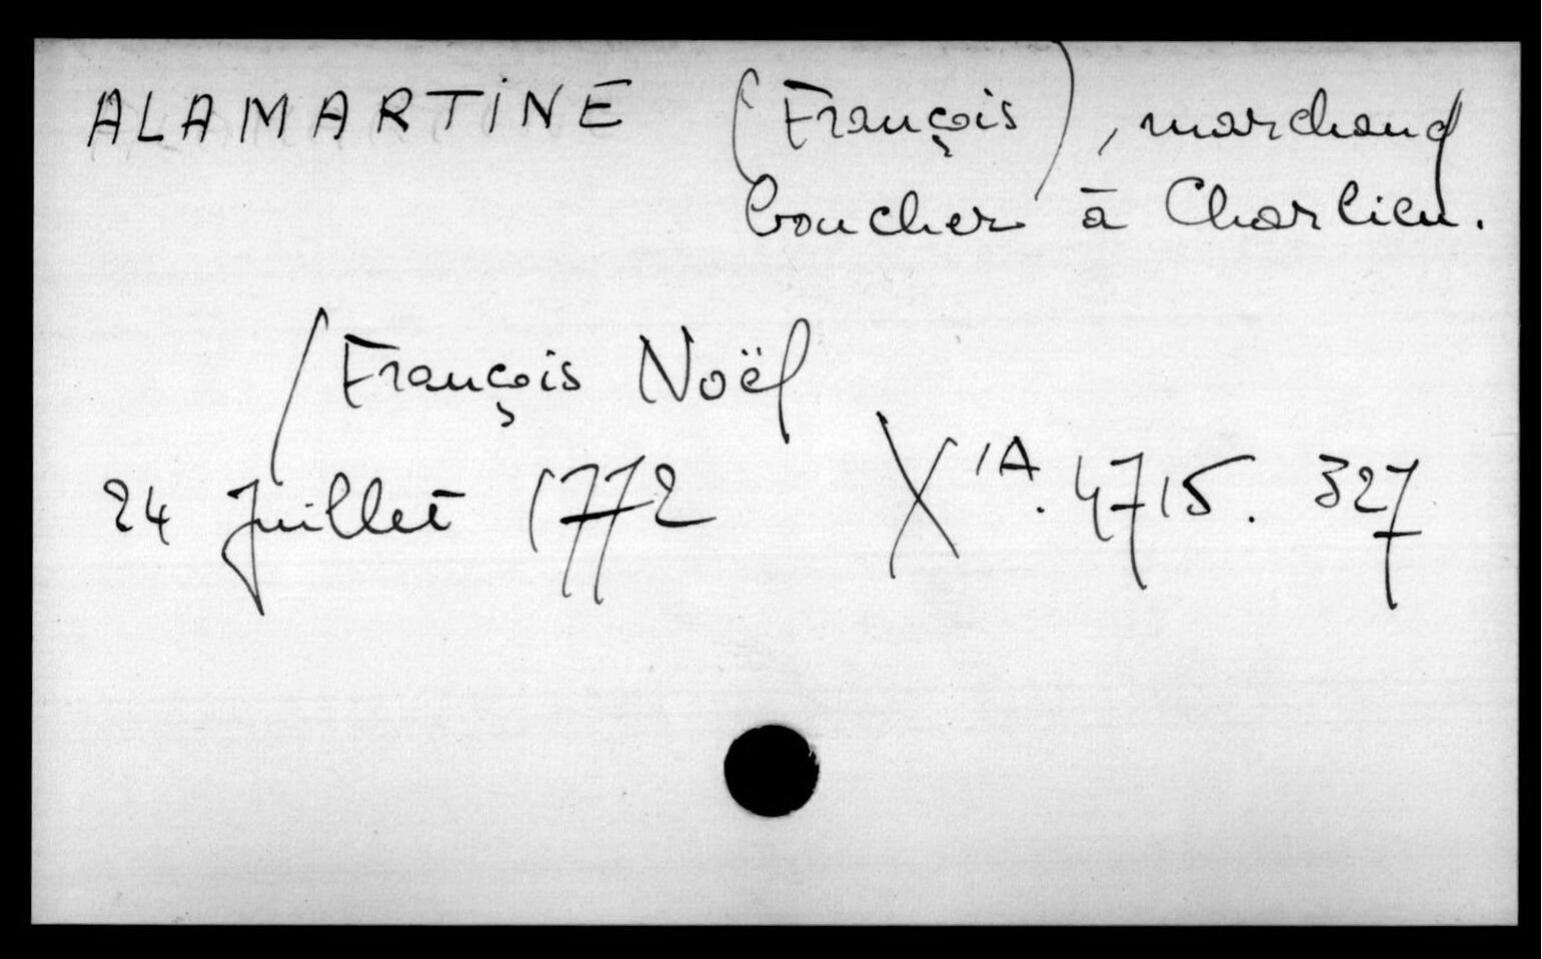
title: ALAMARTINE (François), marchand boucher à Charlieu.
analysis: Contre François Noël
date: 24 juillet 1772
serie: X1A
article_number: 4715
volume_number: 327
